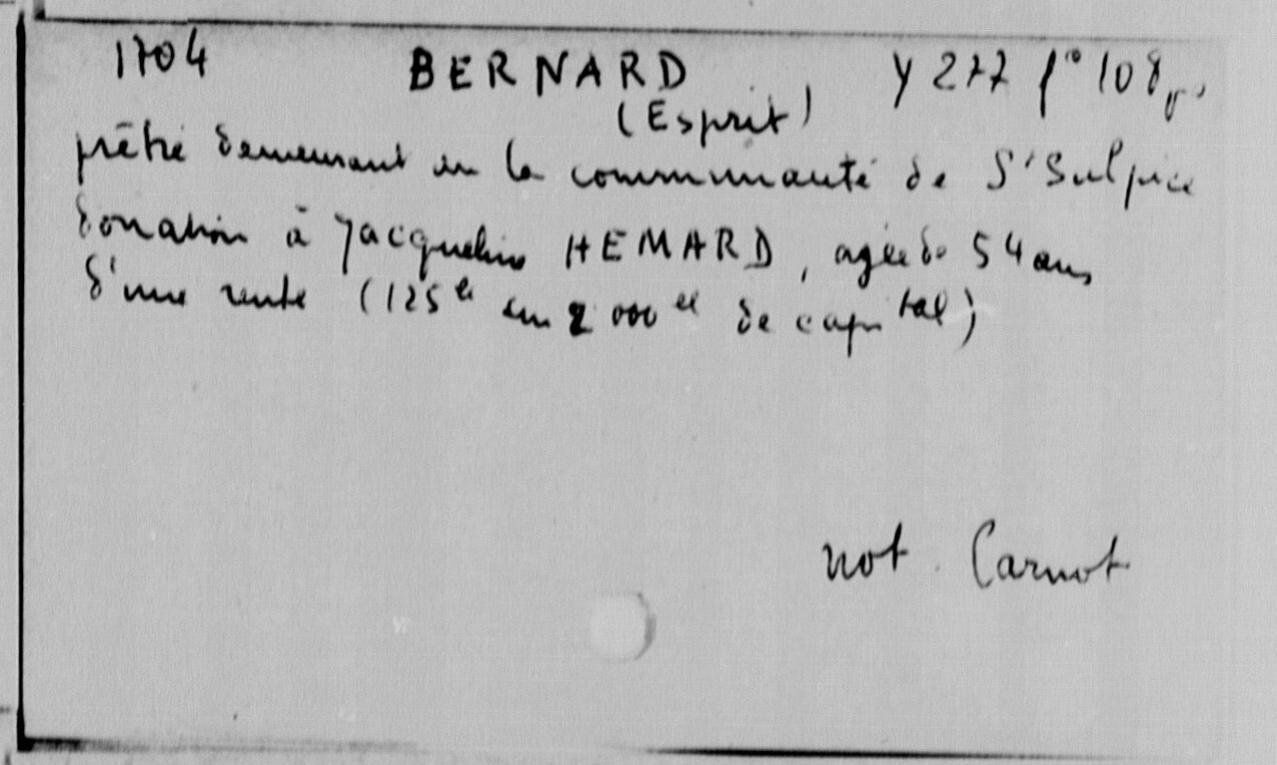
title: BERNARD (Esprit)
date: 1704
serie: Y
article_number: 277
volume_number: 108v
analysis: Prêtre demeurant de la communauté de Saint-Sulpice. Donation à Jacqueline HEMARD, âgée de 54 ans d'une rente (125 livres sur 2000 livres de capital) notaire. Carnot
